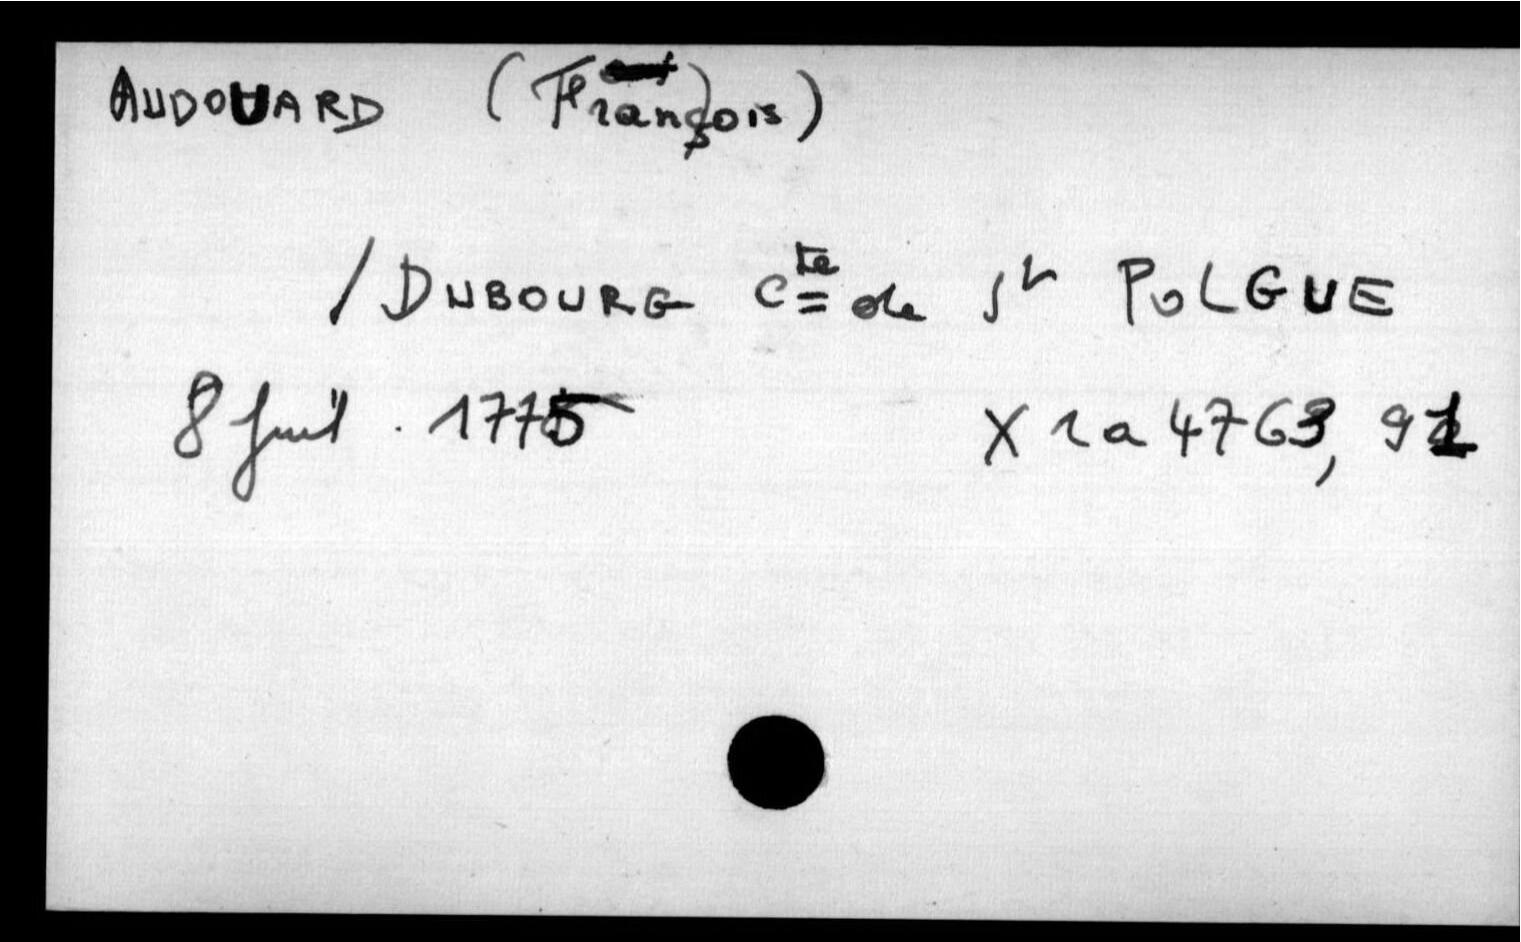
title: AUDOUARD (François)
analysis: Contre DUBOURG comte de SAINT-POLGUE
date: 8 juillet 1775
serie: X1a
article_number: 4763
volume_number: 91
